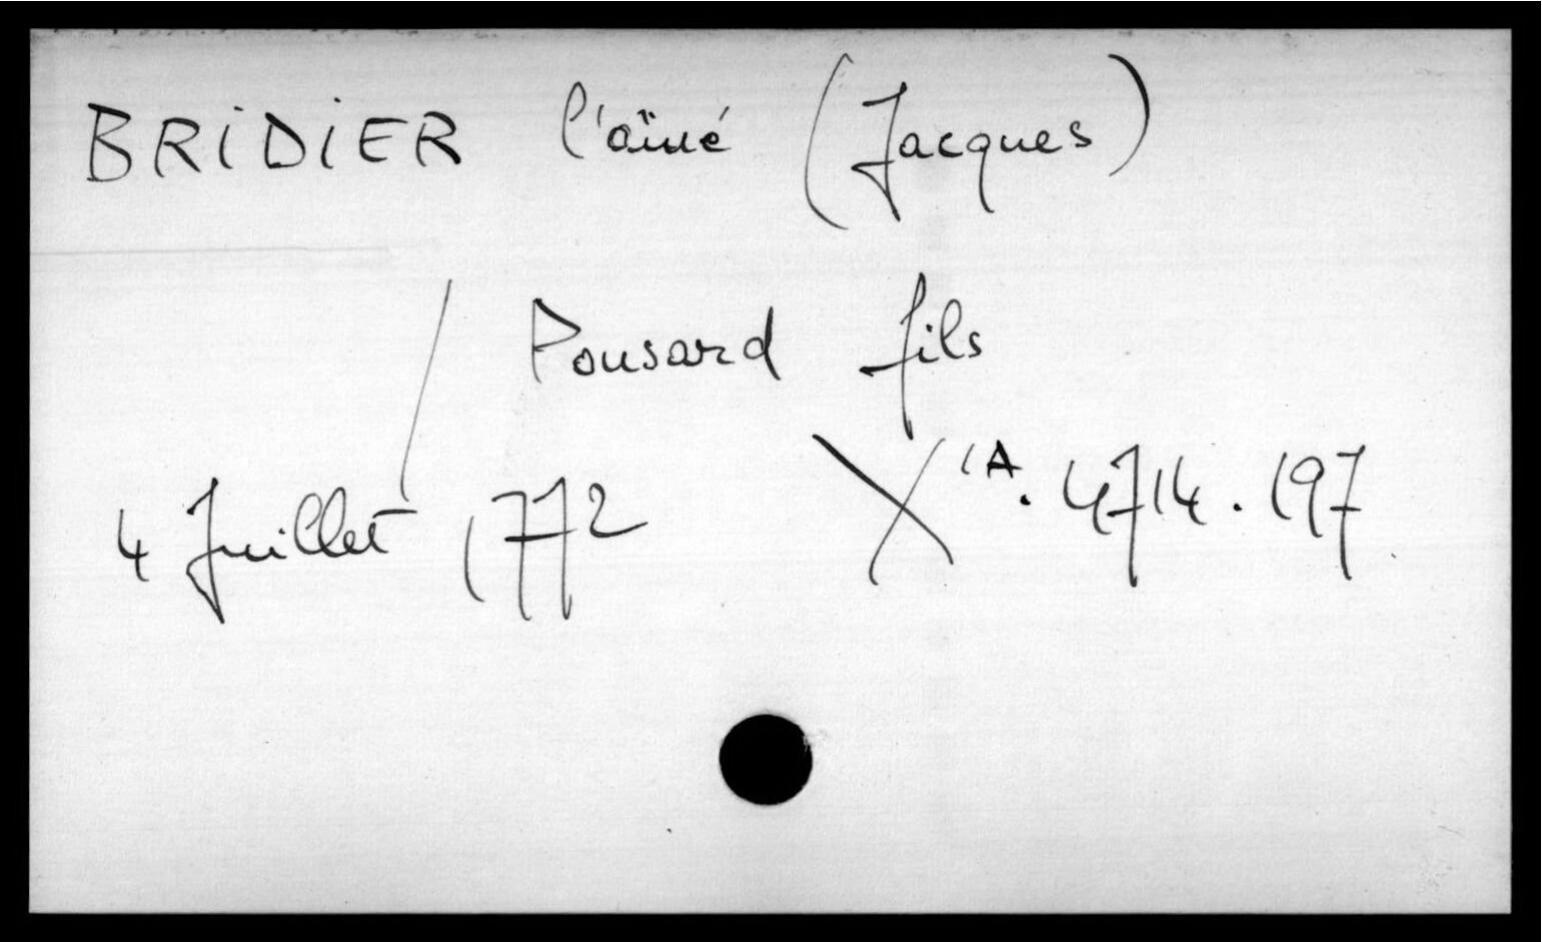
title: BRIDIER l'aîné (Jacques)
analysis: Contre Pousard fils
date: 4 juillet 1772
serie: X1A
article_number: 4714
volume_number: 197
